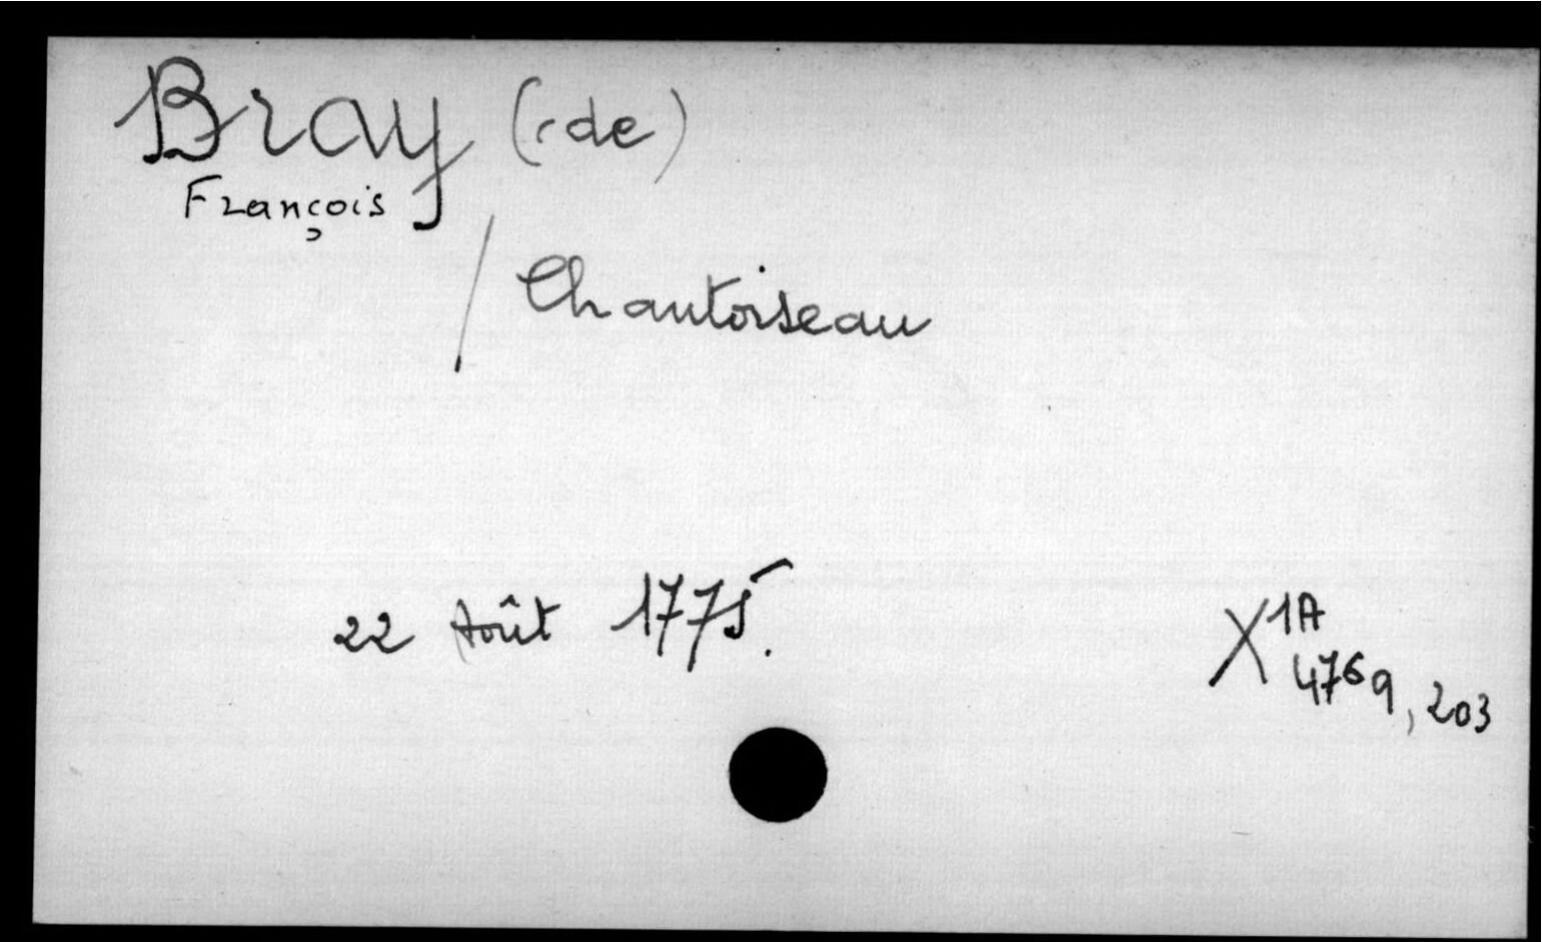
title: Bray François (de)
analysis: Contre Chantoiseau
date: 22 août 1775
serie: X1A
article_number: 4769
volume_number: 203
